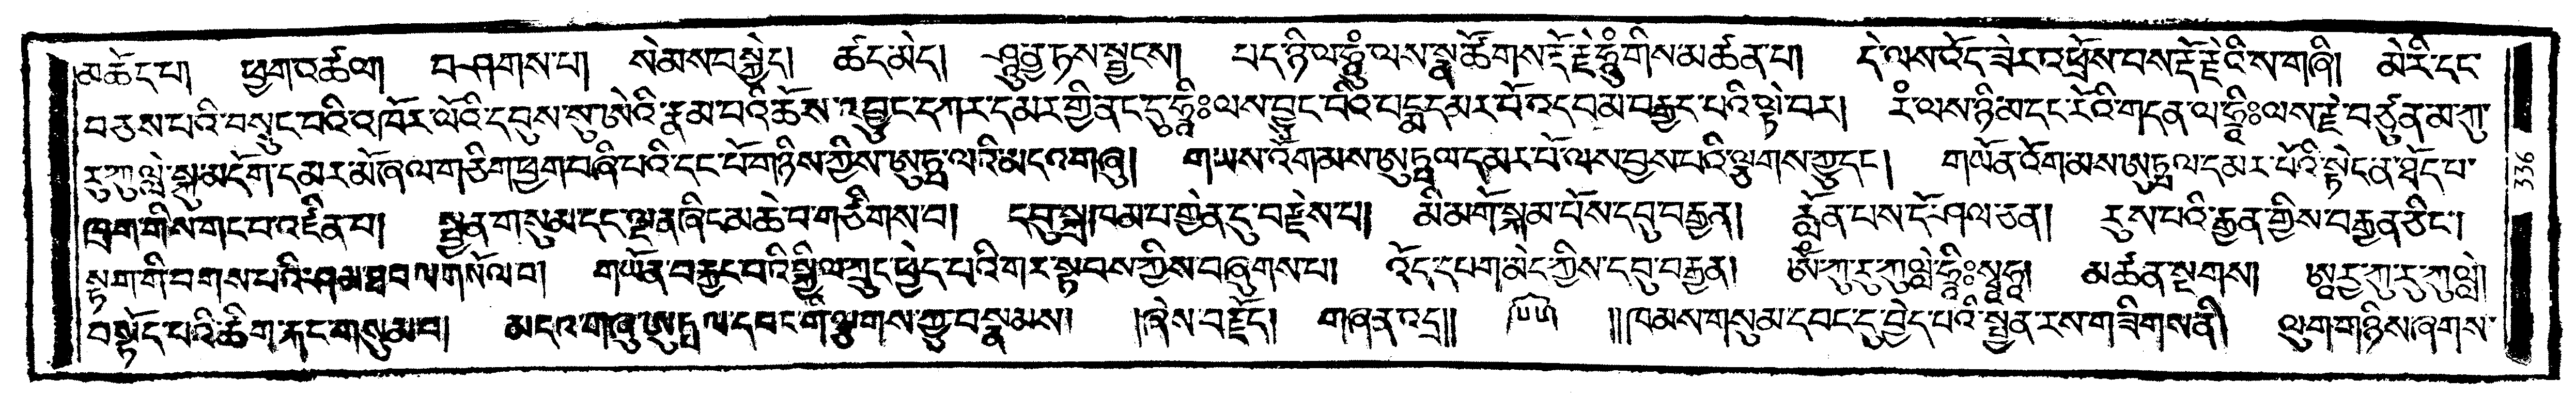མཆོད་པ། ཕྱག་འཚལ། བཤགས་པ། སེམས་བསྐྱེད། ཚད་མེད། ཤཱུ་ནྱ་ཏས་སྦྱངས། པད་ཉི་ལ་ཧཱུཾ་ལས་སྣ་ཚོགས་རྡོ་རྗེ་ཧཱུཾ་གིས་མཚན་པ། དེ་ལས་འོད་ཟེར་འཕྲོས་པས་རྡོ་རྗེའི་ས་གཞི། མེ་རི་དང་
བཅས་པའི་བསྲུང་བའི་འཁོར་ལོའི་དབུས་སུ་ཨེའི་རྣམ་པའི་ཆོས་འབྱུང་དཀར་དམར་གྱི་ནང་དུ་ཧྲཱིཿལས་བྱུང་བའི་པདམ་དམར་པོ་འདབ་མ་བརྒྱད་པའི་ལྟེ་བར། རཾ་ལས་ཉི་མ་དང་རོའི་གདན་ལ་ཧྲཱིཿལས་རྗེ་བཙུན་མ་ཀུ་
རུ་ཀུལླེ་སྐུ་མདོག་དམར་མོ་ཞལ་གཅིག་ཕྱག་བཞི་པའི་དང་པོ་གཉིས་ཀྱིས་ཨུཏྤ་ལའི་མདའ་གཞུ། གཡས་འོག་མས་ཨུཏྤལ་དམར་པོ་ལ་བྱས་པའི་ལྕགས་ཀྱུ་དང་། གཡོན་འོག་མས་ཨུཏྤལ་དམར་པོའི་སྟེང་ན་ཐོད་པ་
ཁྲག་གིས་གང་བ་འཛིན་པ། སྤྱན་གསུམ་དང་ལྡན་ཞིང་མཆེ་བ་གཙིགས་བ། དབུ་སྐྲ་ཁམ་པ་གྱེན་དུ་བརྫེས་པ། མི་མགོ་སྐམ་པོས་དབུ་བརྒྱན། རློན་པས་དོ་ཤལ་ཅན། རུས་བའི་རྒྱན་གྱིས་བརྒྱན་ཅིང་།
སྟག་གི་པགས་པའི་ཤམ་ཐབས་གསོལ་བ། གཡོན་བརྐྱང་བའི་སྐྱིལ་ཀྲུང་ཕྱེད་པའི་གར་སྟབས་ཀྱིས་བཞུགས་པ། འོད་དཔག་མེད་ཀྱིས་དབུ་བརྒྱན། ཨོཾ་ཀུ་རུ་ཀུལླེ་ཧྲཱིཿསྭཱཧཱ། མཚན་སྔགས། ཨཱརྱ་ཀུ་རུ་ཀུལླེ།
བསྟོད་པའི་ཚིག་རྐང་གསུམ་པ། མདའ་གཞུ་ཨུཏྤལ་དབང་གི་ལྕགས་ཀྱུ་བསྣམས། །ཞེས་བརྗོད། གཞན་འདྲ།། ༥༥?་།།ཁམས་གསུམ་དབང་དུ་བྱེད་པའི་སྤྱན་རས་གཟིགས་ནི། ལུག་གཉིས་ཞགས་